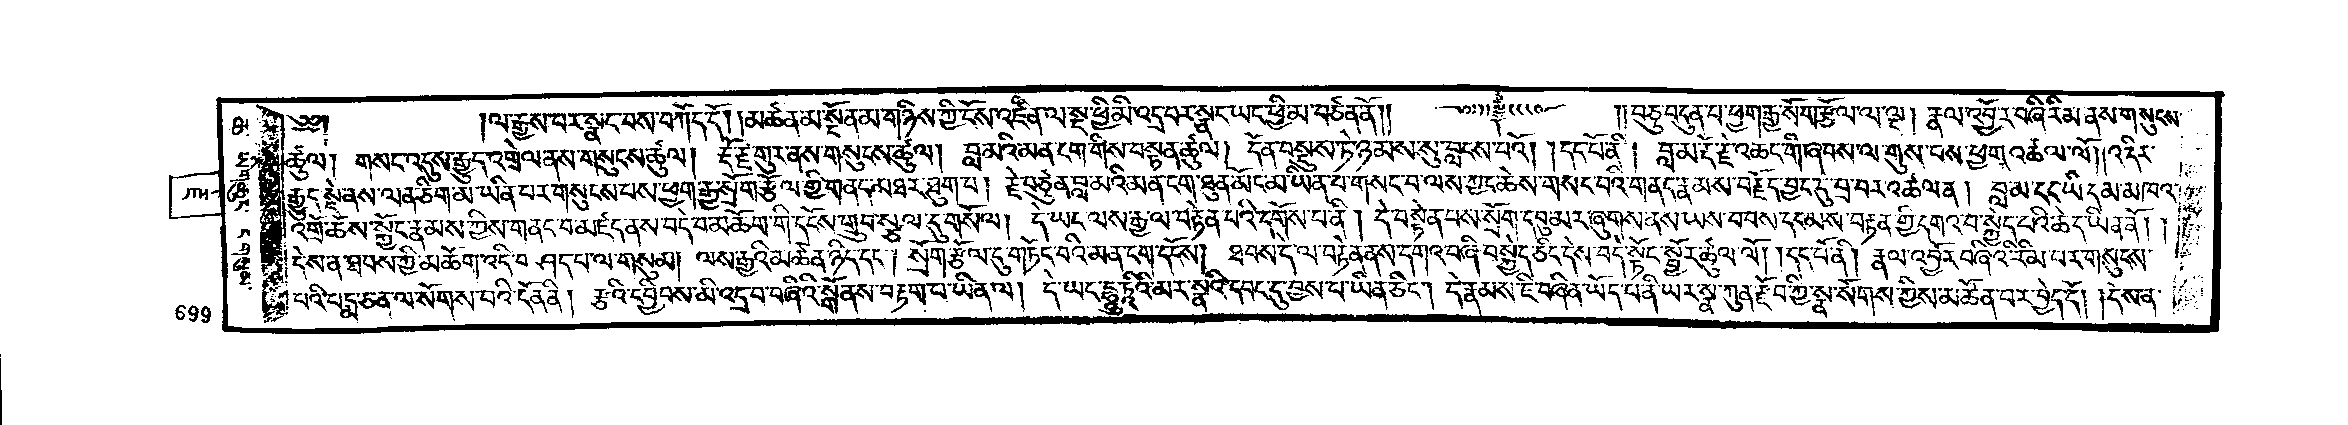༄༅། །ལ་རྒྱས་པར་སྣང་བས་བཀོད་དོ། །མཚན་མ་སྔོན་མ་གཉིས་ཀྱི་ངོས་འཛིན་ལ་སྔ་ཕྱི་མི་འདྲ་བར་སྣང་ཡང་ཕྱི་མ་བཙན་ནོ།། ༈ །།བཅུ་བདུན་པ་ཕྱག་རྒྱ་སྲོག་རྩོལ་ལ་ལྔ། རྣལ་འབྱོར་བཞི་རིམ་ནས་གསུངས་
ཚུལ། གསང་འདུས་རྒྱུད་འགྲེལ་ནས་གསུངས་ཚུལ། རྡོ་རྗེ་གུར་ནས་གསུངས་ཚུལ། བླ་མའི་མན་ངག་གིས་བསྟན་ཚུལ། དོན་བསྡུས་ཏེ་ཉམས་སུ་བླངས་པའོ། །དང་པོ་ནི། བླ་མ་རྡོ་རྗེ་འཆང་གི་ཞབས་ལ་གུས་པས་ཕྱག་འཚལ་ལོ། །འདིར་
རྒྱུད་སྡེ་ནས་ལན་ཅིག་མ་ཡིན་པར་གསུངས་པས་ཕྱག་རྒྱ་སྲོག་རྩོལ་གྱི་གནད་མཐར་ཐུག་པ། རྗེ་བཙུན་བླ་མའི་མན་ངག་ཐུན་མོང་མ་ཡིན་པ་གསང་བ་ལས་ཀྱང་ཆེས་གསང་བའི་གནད་རྣམས་བརྗེད་བྱང་དུ་བྲོ་བར་འཚལ་ན། བླ་མ་དང་ཡི་དམ་མཁའ་
འགྲོ་ཆོས་སྐྱོང་རྣམས་ཀྱིས་གནང་བ་མཛད་ནས་བདེ་བ་མཆོག་གི་དངོས་གྲུབ་སྩལ་དུ་གསོལ། དེ་ཡང་ལས་རྒྱ་ལ་བརྟེན་པའི་དགོས་པ་ནི། དེ་བསྟེན་པས་སྲོག་དབུ་མར་ཞུགས་ནས་ཡས་བབས་དང་མས་བརྟན་གྱི་དགའ་བ་སྐྱེད་པའི་ཆེད་ཡིན་ནོ།།
དེས་ན་ཐབས་ཀྱི་མཆོག་འདི་བཤད་པ་ལ་གསུམ། ལས་རྒྱའི་མཚན་ཉིད་དང་། སྲོག་རྩོལ་དུ་གཏོང་བའི་མན་ངག་དངོས། ཐབས་དེ་ལ་བརྟེན་ནས་དགའ་བཞི་བསྐྱེད་ཅིང་དེས་བདེ་སྟོང་སྦྱོར་ཚུལ་ལོ། །དང་པོ་ནི། རྣལ་འབྱོར་བཞིའི་རིམ་པར་གསུངས་
པའི་པདམ་ཅན་ལ་སོགས་པའི་དོན་ནི། རྩའི་དབྱིབས་མི་འདྲ་བ་བཞིའི་སྒོ་ནས་བརྟག་པ་ཡིན་ལ། དེ་ཡང་དྷཱུ་ཏཱིའི་མར་སྣའི་དབང་དུ་བྱས་པ་ཡིན་ཅིང་། དེ་རྣམས་ཇི་བཞིན་ཡོད་པ་ནི་ཡར་སྣ་ཀུན་རྫོབ་ཀྱི་སྣ་སོགས་ཀྱིས་མཚོན་པར་བྱེད་དོ། །དེས་ན་